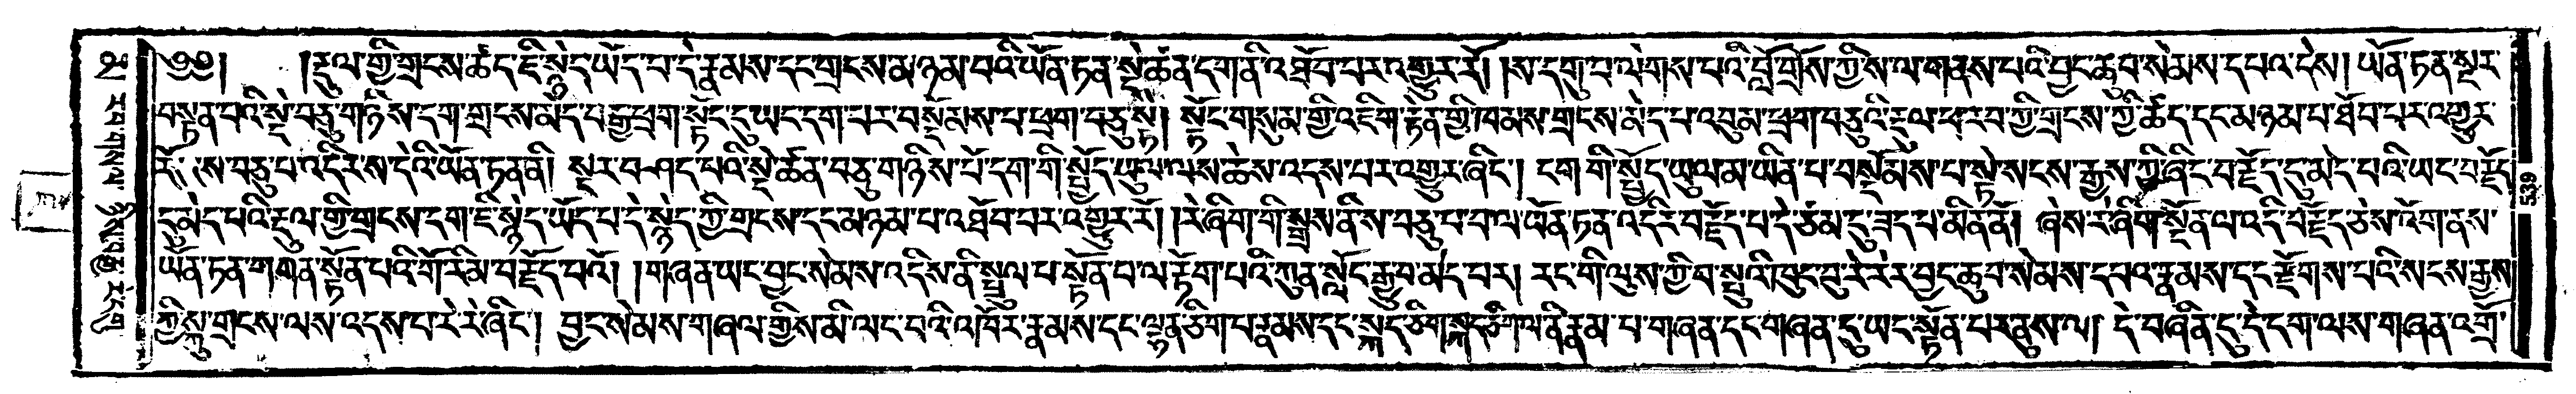༄༅། །རྡུལ་གྱི་གྲངས་ཚད་ཇི་སྙེད་ཡོད་པ་དེ་རྣམས་དང་གྲངས་མཉམ་པའི་ཡོན་ཏན་སྡེ་ཚན་དག་ནི་འཐོབ་པར་འགྱུར་རོ། །ས་དགུ་པ་ལེགས་པའི་བློ་གྲོས་ཀྱི་ས་ལ་གནས་པའི་བྱང་ཆུབ་སེམས་དཔའ་དེས། ཡོན་ཏན་སྔར་
བསྟན་པའི་སྡེ་བཅུ་གཉིས་དག་གྲངས་མེད་བརྒྱ་ཕྲག་སྟོང་དུ་ཡང་དག་པར་བསྡོམས་པ་ཕྲག་བཅུ་སྟེ། སྟོང་གསུམ་གྱི་འཇིག་རྟེན་གྱི་ཁམས་གྲངས་མེད་པ་འབུམ་ཕྲག་བཅུའི་རྡུལ་ཕྲ་རབ་ཀྱི་གྲངས་ཀྱི་ཚད་དང་མཉམ་པ་ཐོབ་པར་འགྱུར་
རོ༑ ༑ས་བཅུ་པ་འདིར་ས་དེའི་ཡོན་ཏན་ནི། སྔར་བཤད་པའི་སྡེ་ཚན་བཅུ་གཉིས་པོ་དག་གི་སྤྱོད་ཡུལ་ལས་ཆེས་འདས་པར་འགྱུར་ཞིང་། ངག་གི་སྤྱོད་ཡུལ་མ་ཡིན་པ་བསྡོམས་པ་སྟེ་སངས་རྒྱས་ཀྱི་ཞིང་བརྗོད་དུ་མེད་པའི་ཡང་བརྗོད་
དུ་མེད་པའི་རྡུལ་གྱི་གྲངས་དག་ཇི་སྙེད་ཡོད་པ་དེ་སྙེད་ཀྱི་གྲངས་དང་མཉམ་པ་འཐོབ་པར་འགྱུར་རོ། །རེ་ཞིག་གི་སྒྲས་ནི་ས་བཅུ་པ་བ་ལ་ཡོན་ཏན་འདིར་བརྗོད་པ་དེ་ཙམ་དུ་ཟད་པ་མིན་ནོ། ཞེས་རེ་ཞིག་སྔོན་ལ་འདི་བརྗོད་ཅེས་འོག་ནས་
ཡོན་ཏན་གཞན་སྟོན་པའི་གོ་རིམ་བརྗོད་པའོ། །གཞན་ཡང་བྱང་སེམས་འདིས་ནི་སྤྲུལ་པ་སྟོན་པ་ལ་རྟོག་པའི་ཀུན་སློང་རྒྱུ་བ་མེད་པར། རང་གི་ལུས་ཀྱི་བ་སྤུའི་ཁུང་བུ་རེ་རེར་བྱང་ཆུབ་སེམས་དཔའ་རྣམས་དང་རྫོགས་པའི་སངས་རྒྱས་
ཀྱི་སྐུ་གྲངས་ལས་འདས་པ་རེ་རེ་ཞིང་། བྱང་སེམས་གཞལ་གྱིས་མི་ལང་བའི་འཁོར་རྣམས་དང་ལྷན་ཅིག་པ་རྣམས་དང་སྐད་ཅིག་སྐད་ཅིག་ལ་ནི་རིམ་པ་གཞན་དང་གཞན་དུ་ཡང་སྟོན་པར་ནུས་ལ། དེ་བཞིན་དུ་དེ་དག་ལས་གཞན་འགྲོ་